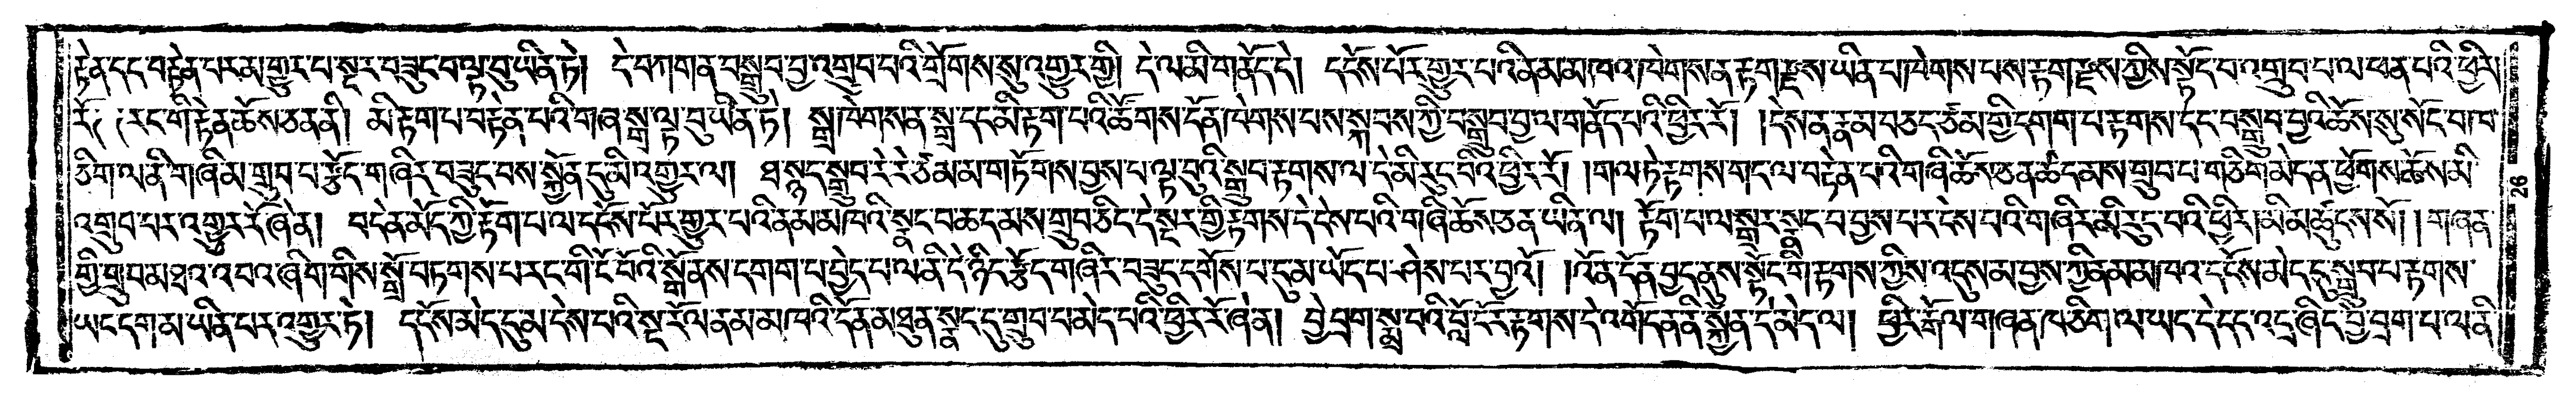རྟེན་དང་བརྟེན་པར་མ་གྱུར་པ་སྔར་བཟུང་བ་ལྟ་བུ་ཡིན་ཏེ། དེ་བཀག་ན་བསྒྲུབ་བྱ་འགྲུབ་པའི་གྲོགས་སུ་འགྱུར་གྱི། དེ་ལ་མི་གནོད་དེ། དངོས་པོར་གྱུར་པའི་ནམ་མཁའ་ཁེགས་ན་རྟག་རྫས་ཡིན་པ་ཁེགས་པས་རྟག་རྫས་ཀྱིས་སྟོང་པ་འགྲུབ་པ་ལ་ཕན་པའི་ཕྱིར།
རོ༑ ༑རང་གི་རྟེན་ཆོས་ཅན་ནི། མི་རྟག་པ་བརྟེན་པའི་གཞ་སྒྲ་ལྟ་བུ་ཡིན་ཏེ། སྒྲ་ཁེགས་ན་སྒྲ་དང་མི་རྟག་པའི་ཚོགས་དོན་ཁེགས་པས་སྐབས་ཀྱི་བསྒྲུབ་བྱ་ལ་གནོད་པའི་ཕྱིར་རོ། །དེས་ན་རྣམ་བཅད་ཙམ་གྱི་དགག་པ་རྟགས་དང་བསྒྲུབ་བྱའི་ཆོས་སུ་སོང་བ་ཁ་
ཅིག་ལ་ནི་གཞི་མ་གྲུབ་པ་རྩོད་གཞིར་བཟུང་བས་སྐྱོན་དུ་མི་འགྱུར་ལ། ཐ་སྙད་སྒྲུབ་རེ་རེ་ཙམ་མ་གཏོགས་བྱས་པ་ལྟ་བུའི་སྒྲུབ་རྟགས་ལ་དེ་མི་རུང་བའི་ཕྱིར་རོ། །གལ་ཏེ་རྟགས་གང་ལ་བརྟེན་པའི་གཞི་ཆོས་ཅན་ཚད་མས་གྲུབ་པ་གཅིག་མེད་ན་ཕྱོགས་ཆོས་མི་
འགྲུབ་པར་འགྱུར་རོ་ཞེ་ན། བདེན་མོད་ཀྱི་རྟོག་པ་ལ་དངོས་པོར་གྱུར་པའི་ནམ་མཁའི་སྣང་བ་ཆད་མས་གྲུབ་ཅིང་དེ་སྔར་གྱི་རྟགས་དེ་ངེས་པའི་གཞི་ཆོས་ཅན་ཡིན་ལ། རྟོག་པ་ལ་སྒྲར་སྣང་བ་བྱས་པར་ངེས་པའི་གཞིར་མི་རུང་བའི་ཕྱིར། མི་མཚུངས་སོ། །གཞན་
གྱི་གྲུབ་མཐའ་འབའ་ཞིག་གིས་སྒྲོ་བཏགས་པ་རང་གི་ངོ་བོའི་སྒོ་ནས་དགག་པ་བྱེད་པ་ལ་ནི་དེ་ཉིད་རྩོད་གཞིར་བཟུང་དགོས་པ་དུ་མ་ཡོད་པ་ཤེས་པར་བྱའོ། །འོ་ན་དོན་བྱད་ནུས་སྟོང་གི་རྟགས་ཀྱིས་འདུས་མ་བྱས་ཀྱི་ནམ་མཁའ་དངོས་མེད་དུ་སྒྲུབ་པ་རྟགས་
ཡང་དག་མ་ཡིན་པར་འགྱུར་ཏེ། དངོས་མེད་དུ་མ་ངེས་པའི་སྔ་རོལ་ནམ་མཁའི་དོན་མཐུན་སྣང་དུ་གྲུབ་པ་མེད་པའི་ཕྱིར་རོ་ཞེ་ན། བྱེ་བྲག་སྨྲ་བའི་བློ་ངོར་རྟགས་དེ་འགོད་ན་ནི་སྐྱོན་དེ་མེད་ལ། ཕྱིར་རྒོལ་གཞན་ཁ་ཅིག་ལ་ཡང་དེ་དང་འདྲ་ཞིང་བྱེ་བྲག་པ་ལ་ནི་